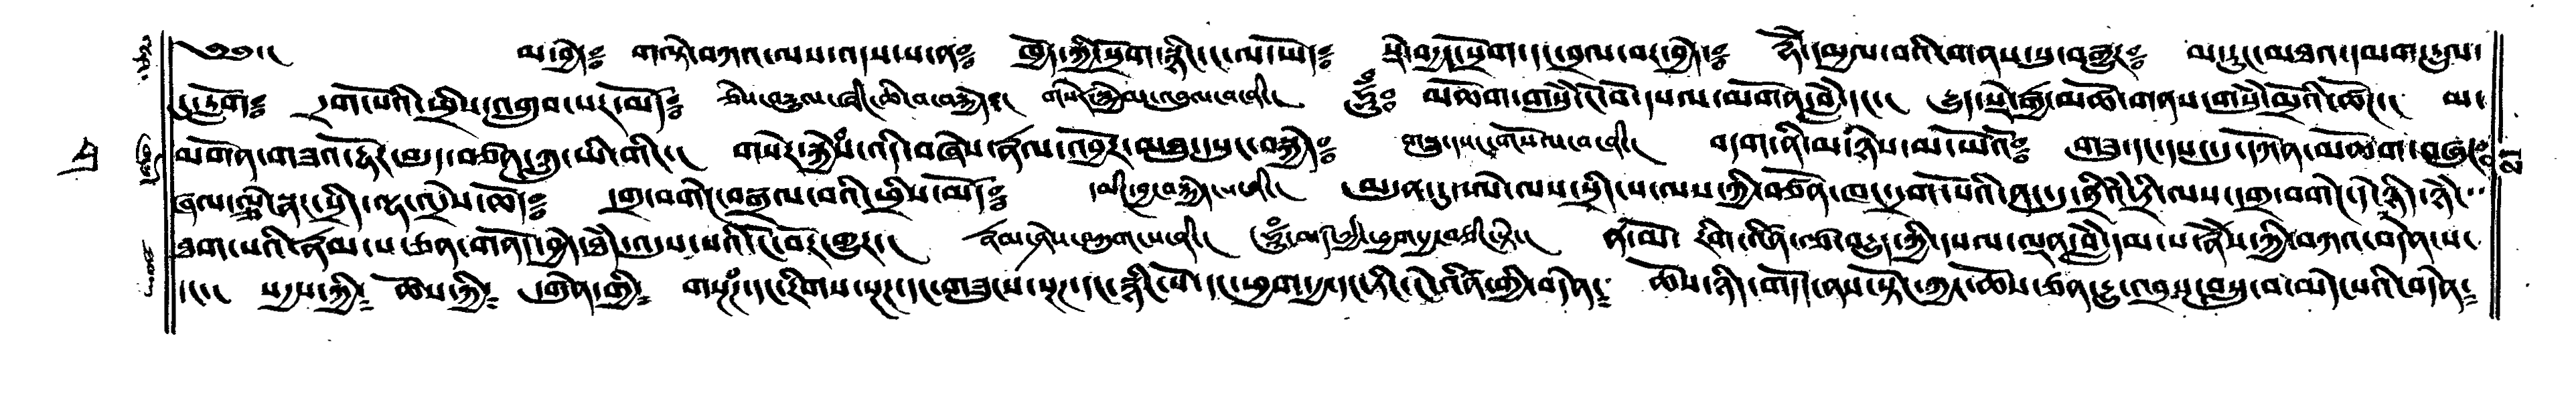མ་བྱེད༔ གལ་ཏེ་བཀའ་ལས་འདས་པ་ན༔ ཁྱོད་ཀྱི་སྲོག་སྙིང་ང་ལ་ཡོད༔ སྡེ་བརྒྱད་སྲོག་དང་བྲལ་བར་བྱེད༔ རྡོ་རྗེ་དམྱལ་བའི་གནས་སུ་བསྒྱུར༔ མ་རུང་མཐའ་དམག་རྡུལ་
དུ་རློག༔དྲག་པོའི་ཕྲིན་ལས་འགྲུབ་པར་མཛོད༔ ཅེས་བསྐུལ་ཅིང་ཆེ་བ་བསྐྱེད། གསེར་སྐྱེམས་འབུལ་བ་ནི། ཧཱུྃ༔ མཆོག་གསུམ་ངོ་བོ་དཔལ་མགོན་བླ་མ་དང་། རྒྱུད་སྡེ་རྒྱ་མཚོ་གནས་གསུམ་མཁའ་འགྲོའི་ཚོགས། མ་
མགོན་གཟའ་རྡོར་བདུད་བཙན་ཀླུ་ཡི་གིང་། གསེར་སྐྱེམས་འདི་བཞེས་རྣལ་འབྱོར་མཐུ་དཔུང་བསྐྱེད། གཟུ་དཔང་གསོལ་བ་ནི། བདག་ནི་མ་ཉེས་མ་ཡོའོ༔ གཟུ་དང་དཔང་དུ་དཀོན་མཆོག་བཞུགས༔ 
ཞལ་ལྕེ་སྣང་སྲིད་ལྷ་འདྲེས་ཆོད༔ དགྲ་བགེགས་བསྒྲལ་བའི་ཕྲིན་ལས་མཛོད༔ དམིགས་བྱ་བསྐྱེད་པ་ནི། མདུན་དུ་ཨེ་ལས་སྲིད་པ་ལས་ཀྱི་བཙོན་ཁང་དྲག་པོའི་ནང་དུ་ནྲིརམ་ཏྲི་ལས་དགྲ་བགེགས་དེ་ཉིད་ཉམ་
ཐག་པའི་རྣམ་པ་ཅན་གནོད་བྱེད་ཐམས་ཅད་འདུས་པའི་ངོ་བོར་གྱུར། རྣམ་ཤེས་འགུགས་པ་ནི། ཧཱུྃ་མཛད་ཀྱི་ཕྱག་རྒྱ་བཅིང་སྟེ། ན་མོ། རིག་འཛིན་རྩ་བརྒྱུད་ཀྱི་དཔལ་ལྡན་བླ་མ་དམ་པ་རྣམས་ཀྱི་བཀའ་བདེན་པ་
དང་། སངས་རྒྱས་ཀྱི༴ དགེ་འདུན་གྱི༴ གསང་སྔགས་དང་རིགས་སྔགས་དང་གཟུངས་སྔགས་དང་སྙིང་པོ་དང་ཕྱག་རྒྱ་དང་ཏིང་ངེ་འཛིན་གྱི་བདེན༴ ཆོས་ཉིད་གདོད་ནས་སྟོང་ཀྱང་ཆོས་ཅན་རྒྱུ་འབྲས་བསླུ་བ་མེད་པའི་བདེན༴